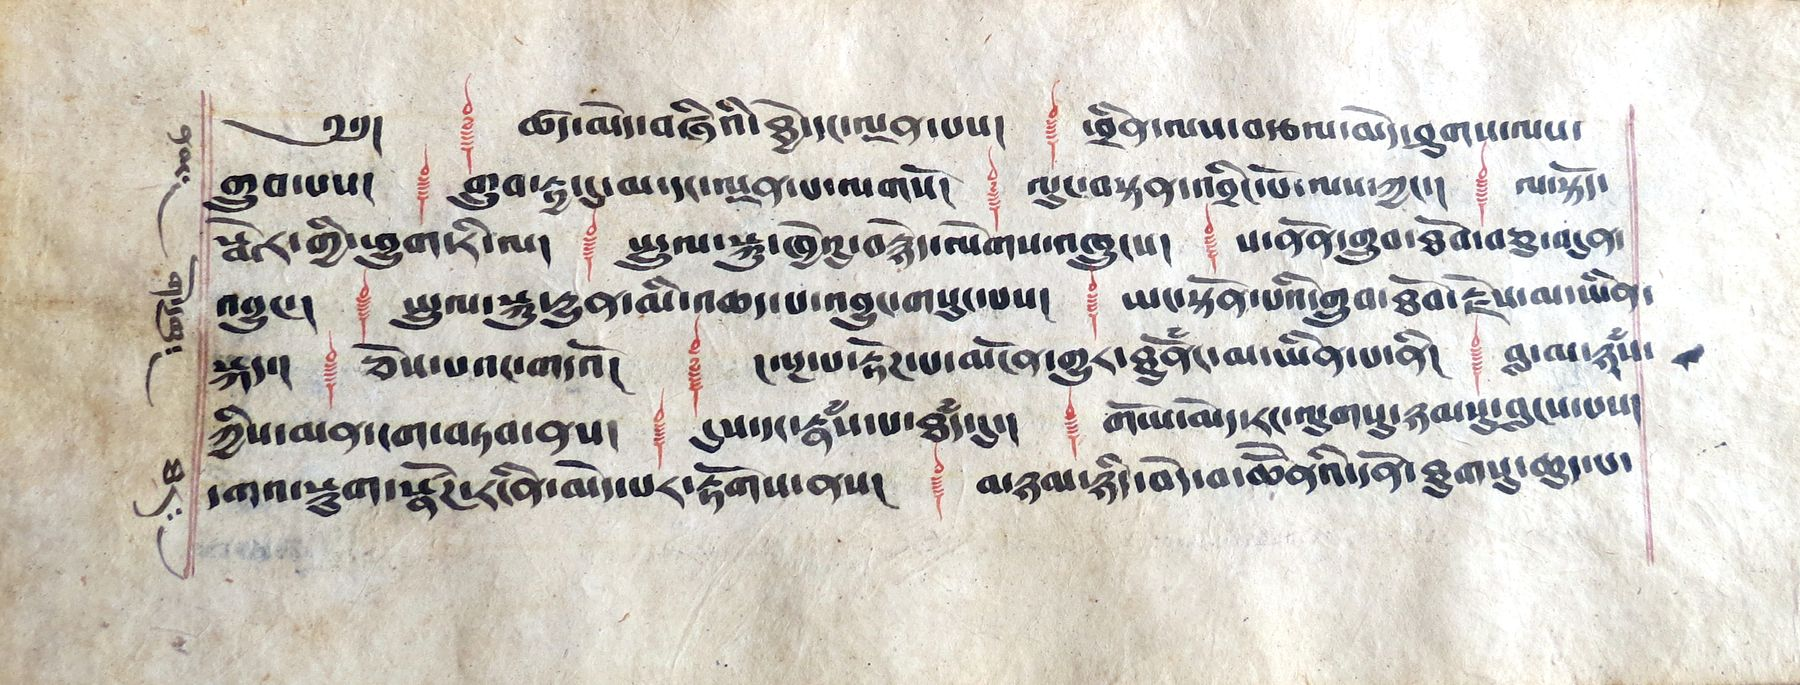ཚད་མེད་བཞིའི་ཐུགས་རྗེ་དང་ལྡན་པས། ཕྲིན་ལས་རྩལ་མེད་ཤུགས་ལས་
གྲུབ་པས། གྲུབ་རྟགས་དུ་མ་ལྡན་པ་ལགས་སོ། ། ལུང་བསྟན་འབྲིང་པོ་ལས་ཀྱང་། ལ་སྟོད་
སྨེར་གྱི་ཕུག་རི་ལ། སྤྲུལ་སྐུ་ཁྱེའུ་རྙེད་ལེགས་འཁྲུངས། ། ས་ནོན་གྲུབ་ཐོབ་བཅུ་བདུན་
འབྱུང་། ། སྤྲུལ་སྐུ་རྒྱུན་མི་ཆད་པ་འབྱུང་གསུངས་པས། ཡང་སྟོན་པ་གྲུབ་ཐོབ་རྗེས་མ་ཡིན་
སྐད། ། ཅེས་པ་ཡང་གདའ་འོ། ། ལྔ་པ་རྟོགས་པ་མངོན་གྱུར་ཐུན་མོང་མ་ཡིན་པ་ནི། བླ་མས་ཉམས་
ཀྱི་མན་ངག་བཏབ་ནས། དུས་དང་རྣམ་པ་ཐམས་ཅད་དུ། གཡོ་མེད་རང་ལུགས་སུ་ཉམས་སུ་བླངས་པས། 
དགའ་སྡུག་སྣ་ཚོགས་རང་བཞིན་མེད་པར་རྟོགས་ནས། མཉམ་ཉིད་བདེ་བ་ཆེན་པོའི་དོན་ཐུགས་སུ་ཆུད་པ་